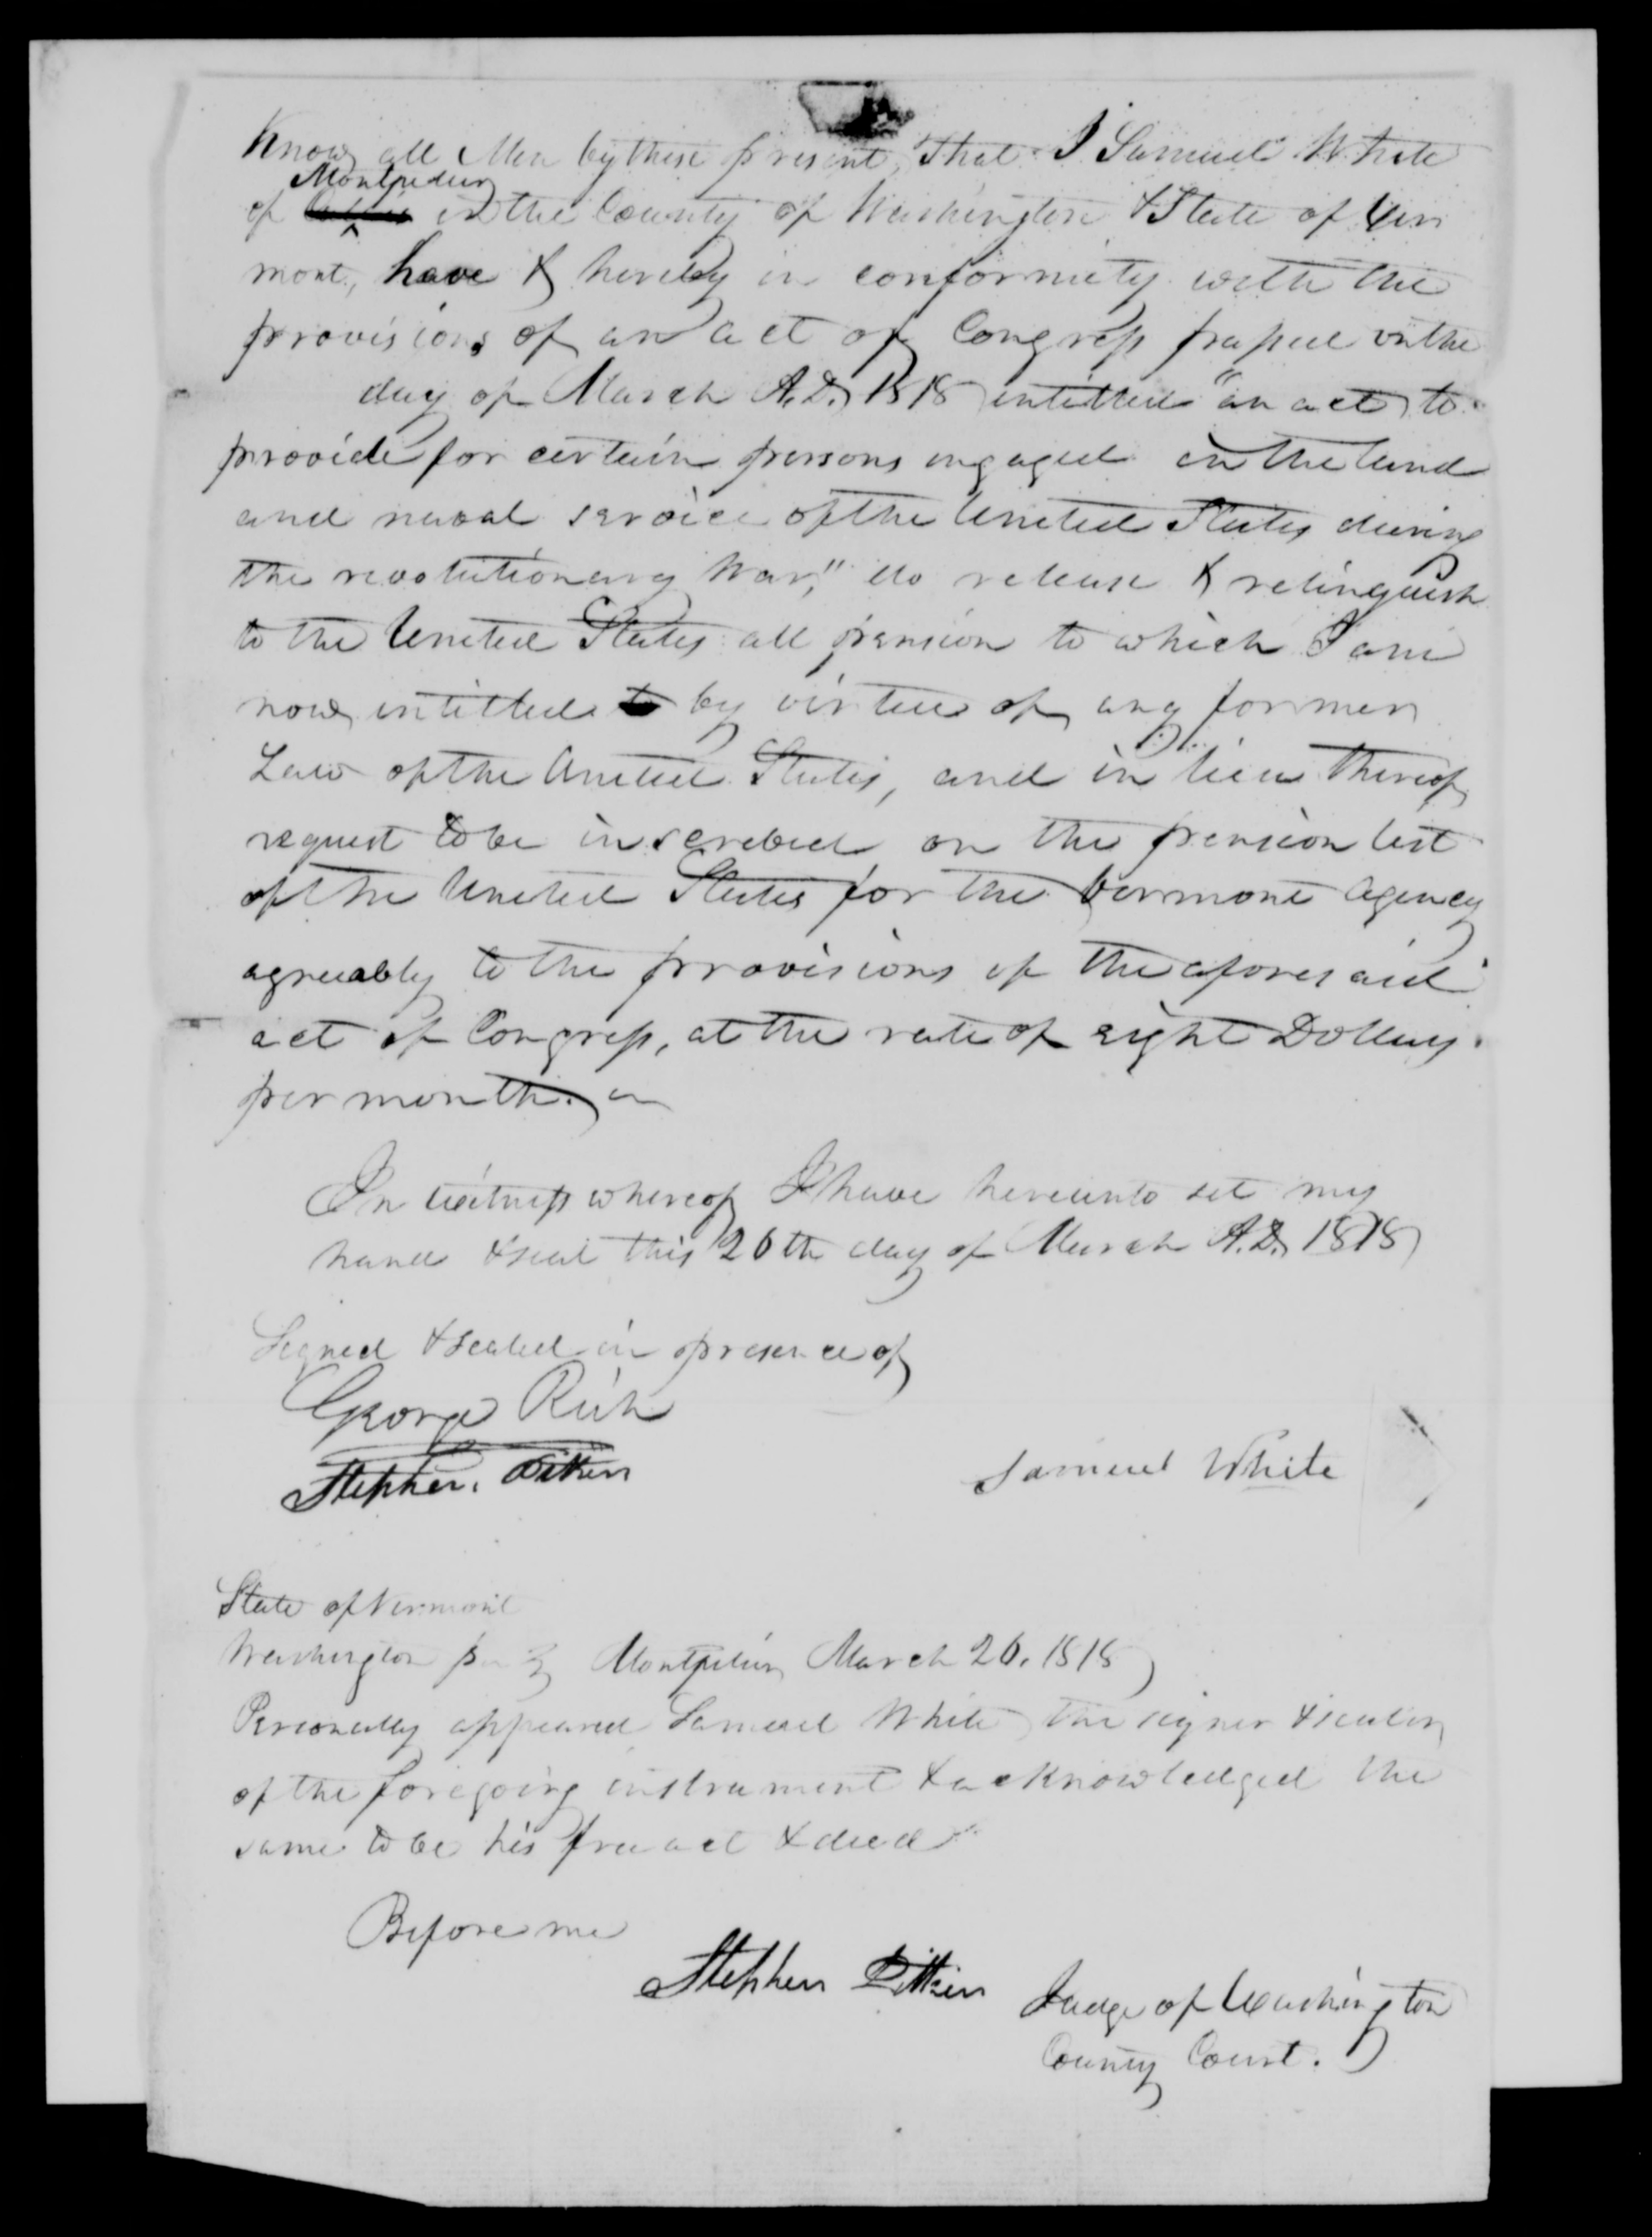Know all men by these presents that I Samuel White of Montpelier in the County of Washington & State of Vermont have & hereby in conformity with the provisions of an act of Congress passed on the day of March A. D. 1818 entitled "an act to provide for certain persons engaged in the land and naval service of the United States during the revolutionary War" do release & relinquish  to the United States all pensions to which I am now entitled by virtue of any former law of the United States and in lieu thereof request to be inscribed on the pension list of the United States for the Vermont agency agreeably to the provisions of the aforesaid act of Congress at the rate of eight Dollars per month.
In witness whereof I have hereunto set my hand  & seal this 26th day of March A. D. 1818
Signed & sealed in presence of
George Rich      Samuel White
Stephen Pitkin

State of Vermont
Washington Ss. Montpelier March 26,  1818
Personally appeared Samuel White the signer & (illegible) of the foregoing instrument & acknowledged the same to be his free act & deed.
Before me Stephen Pitkin Judge of Washington County Court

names: Samuel White, George Rich, Stephen Pitkin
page: 79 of 79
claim: survivor's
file: S. 11759, Samuel White, Mass.